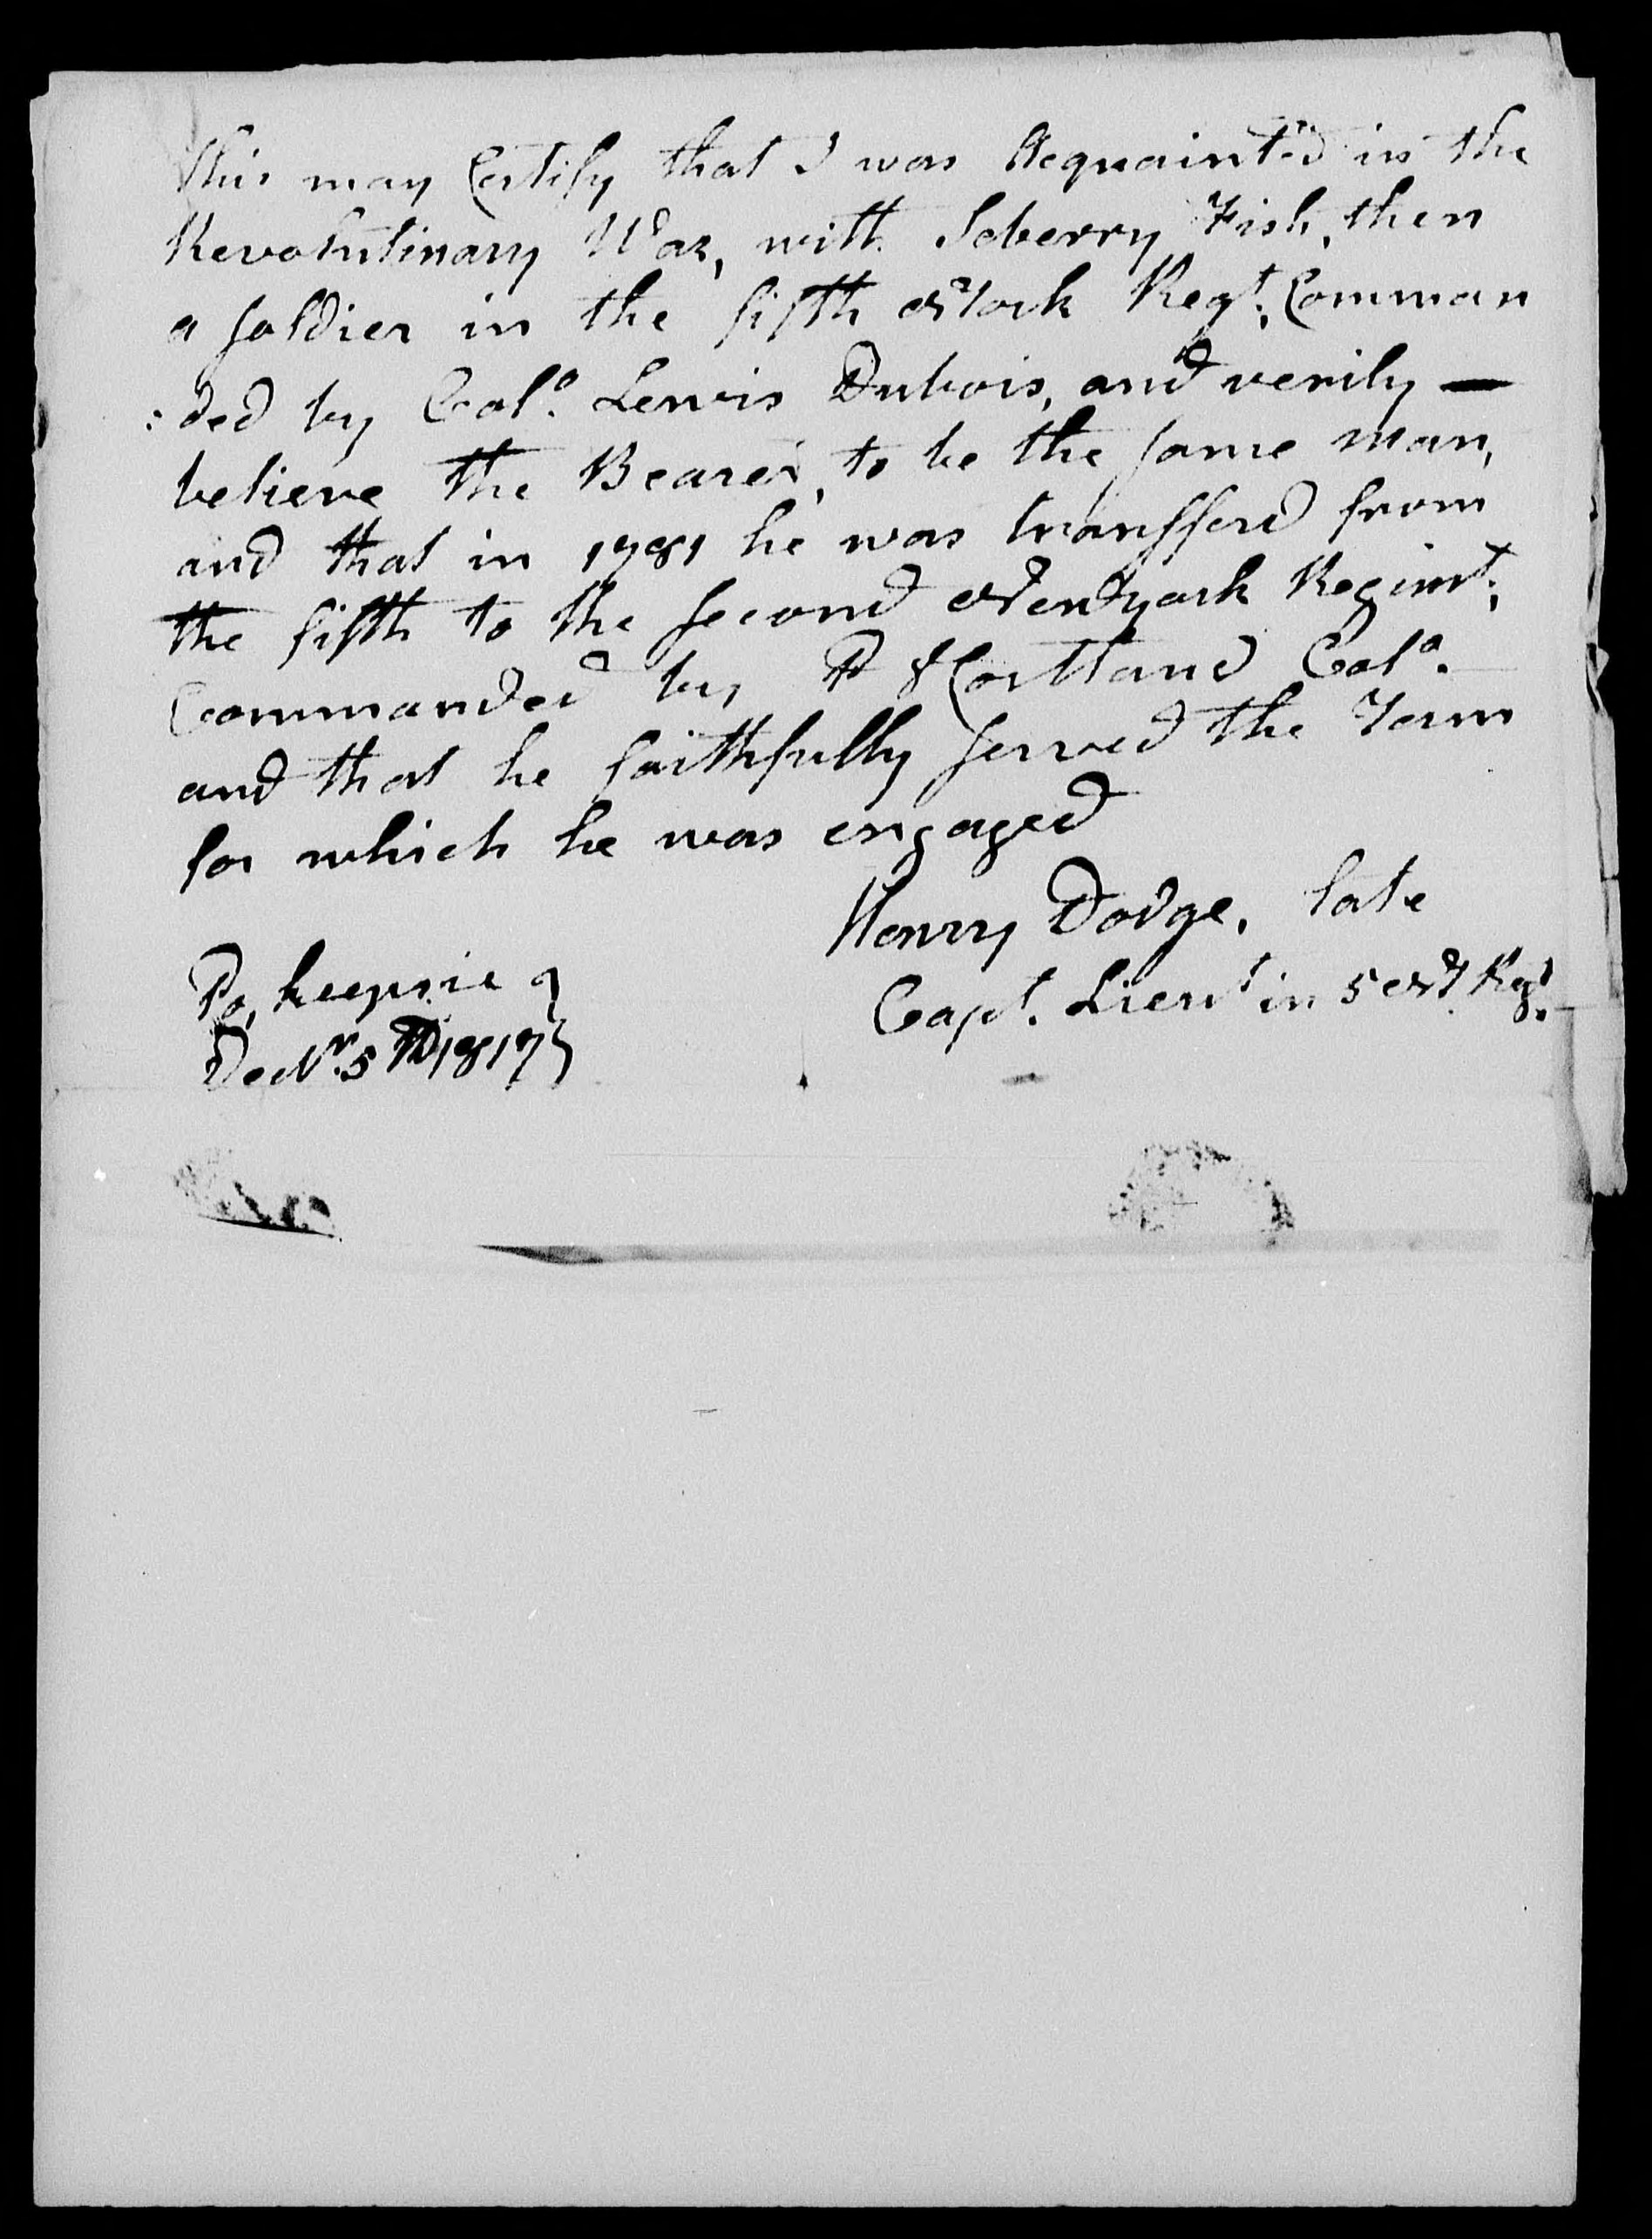[Handwritten record] 

This may Certify that I was Acquainted in the Revolutionary War, with Seberry Fish, then a Soldier in the fifth [?}N York Regt; Commanded by Colo. Lewis Dubois, and verily __ believe the Bearer, to be the Same Man, and that in 1781 he was transfered from the fifth to the Second New York Regimt; Commanded by [illegible 2 possible initials] Cortland Colo. and that he faithfully Served the Term for which he was engaged

Po,keepsie) 
Decbr. 5th 1817

[On the right side of the page, about mid-way:]  Henry Dodge, late
Capt. Lieut. in 5 N Y Regt. 

[There appears to be a roughly round impression showing from behind the page, near the bottom edge of the document, perhaps from a possible wax seal from the other side of the page.]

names: Henry Dodge, Seberry Fish, Lewis Dubois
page: 14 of 26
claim: survivor's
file: S. 29797, Seberry Fish, New York